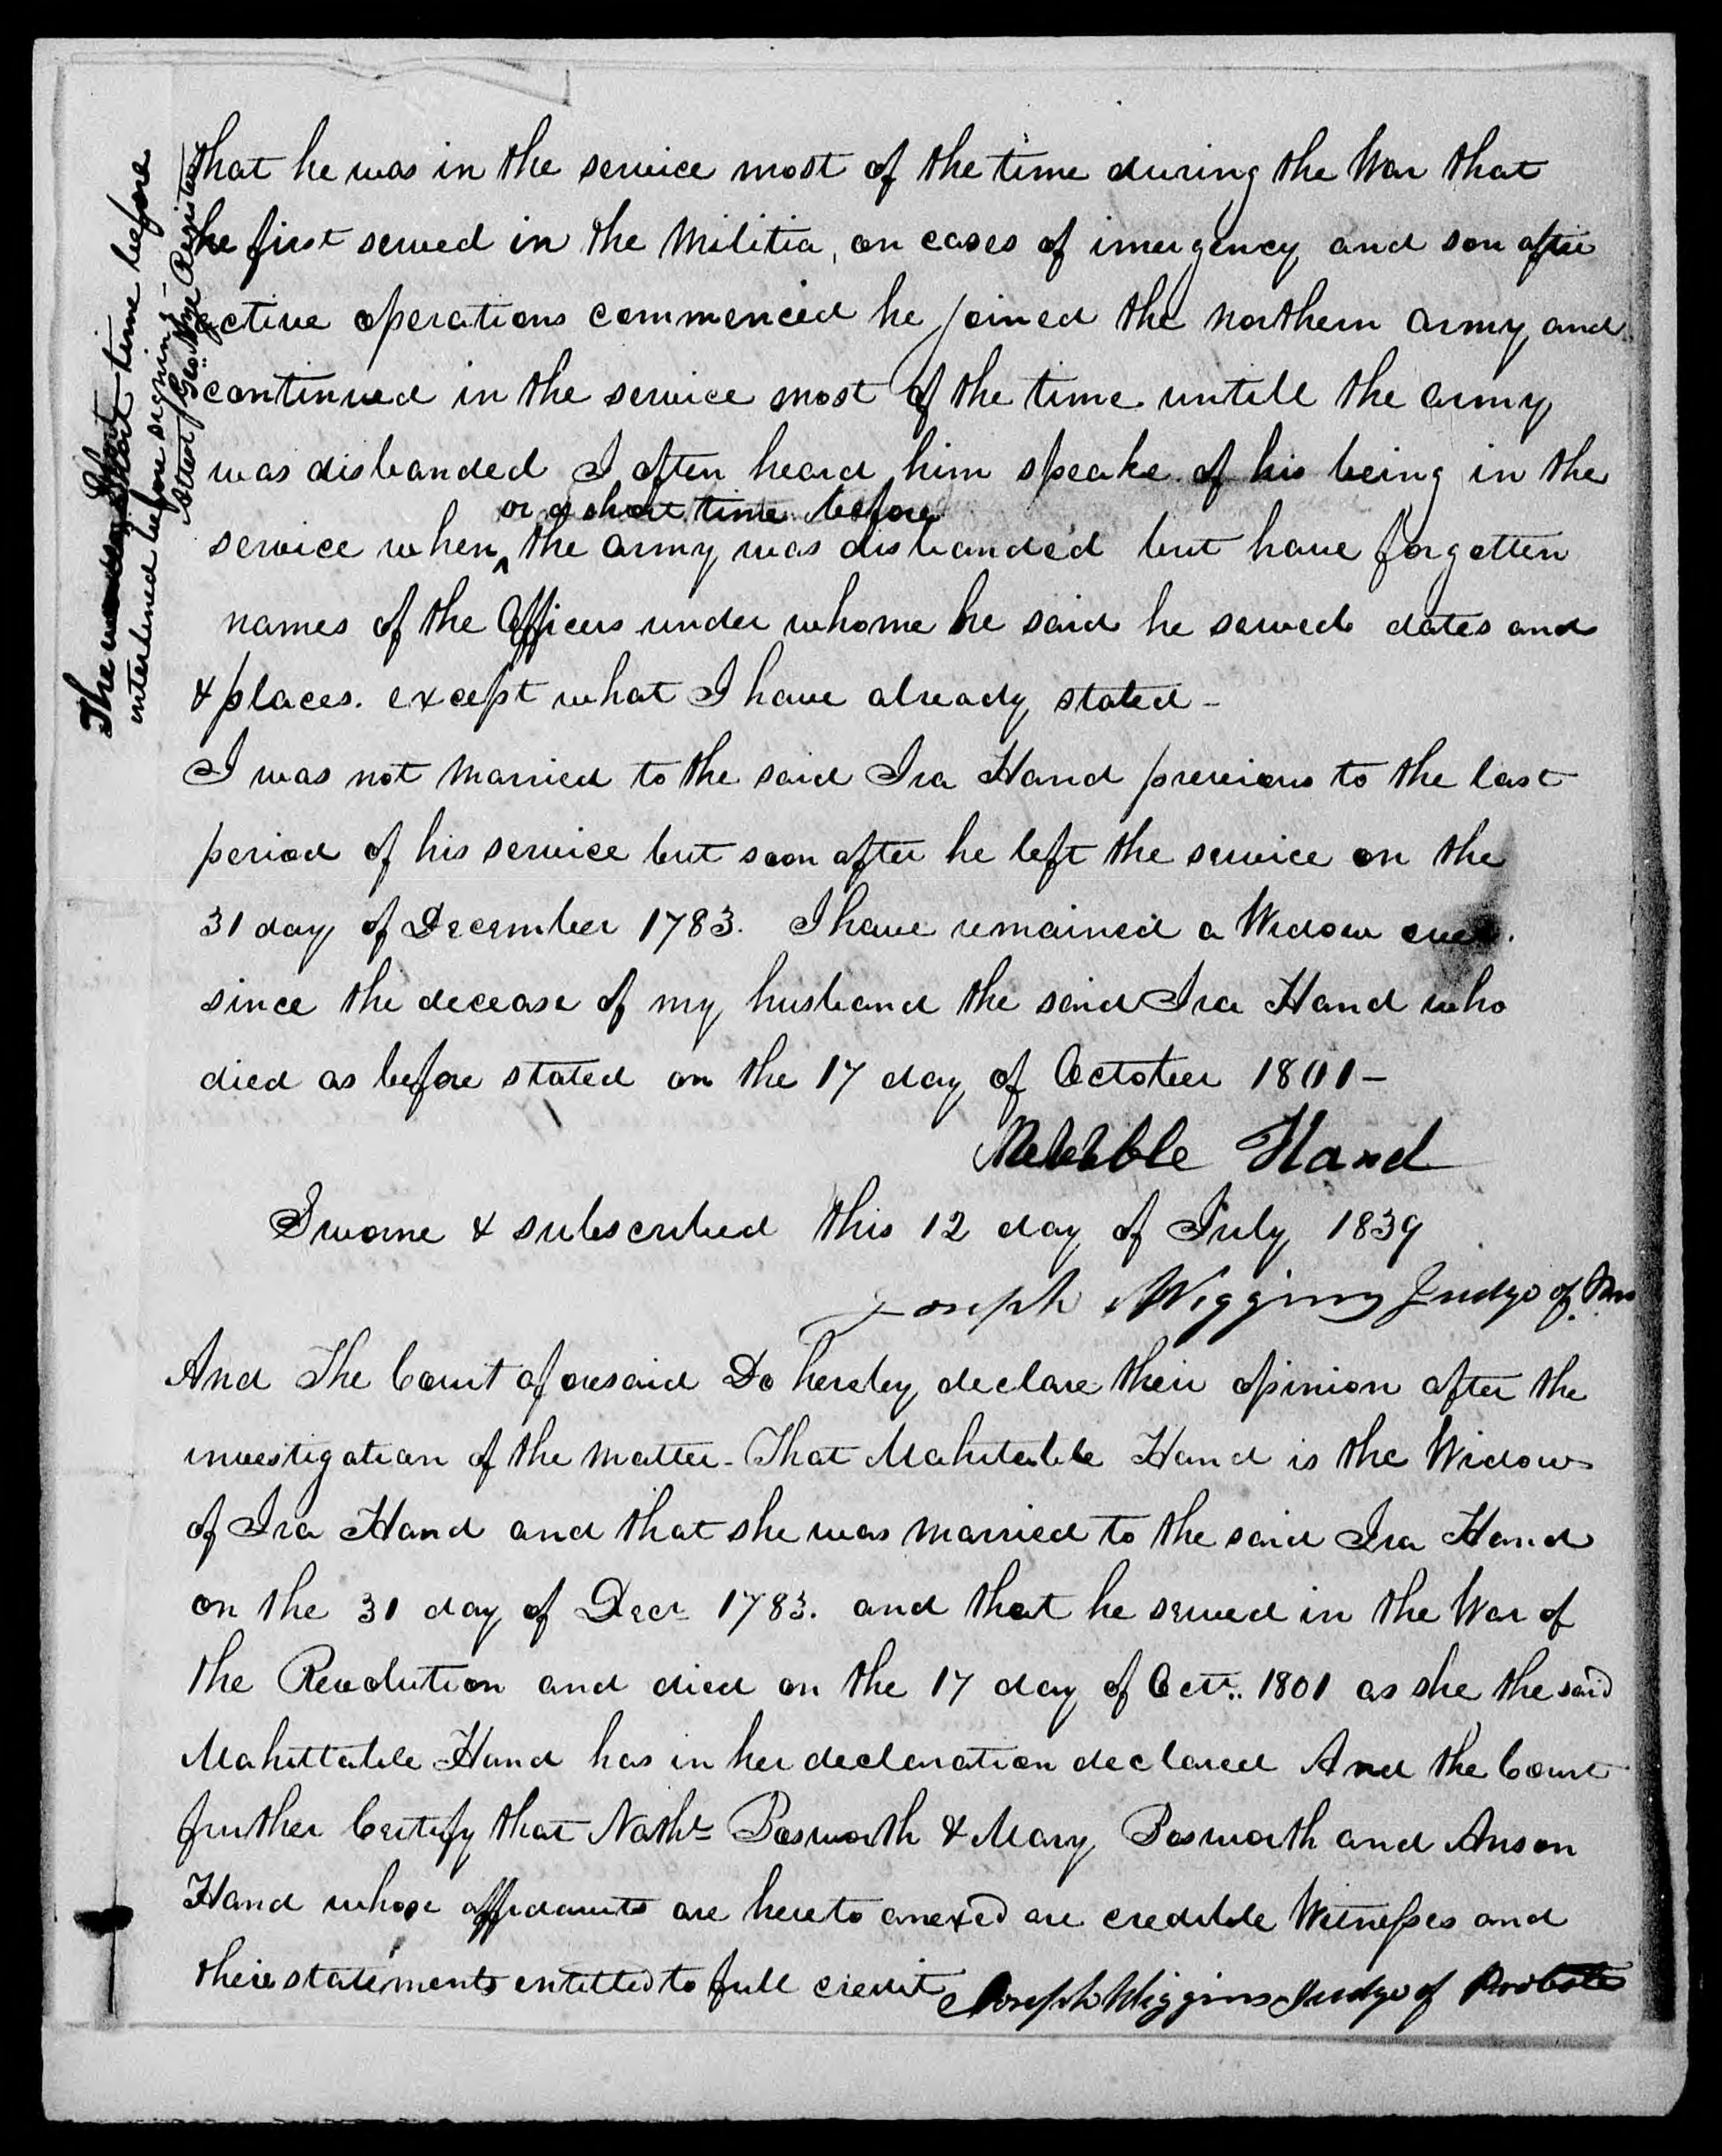that he was in the service most of the time during the war that he first served in the Militia, on case of emergency and soon after
active operations commenced he joined the northern army and continued in the service most of the time untill the army was disbanded I often heard him speak of his being in the service when or short time before
the army was disbanded but have forgotten
names of the Officers under whom he said he served dates and & places. except what I have already stated
I was not married to the said Ira Hand previous to the last period of his service but soon after he left the service on the 31 day of December 1783. I have remained a Widow since the decease of my husband the said Ira Hand who
died as before stated on the 17 day of October 1801-
Mehetable Hand
Sworn & subscribed this 12 day of July 1839
Joseph Wiggins Judge of Probate And the Court aforesaid Do hereby declare their opinion after the investigation of the matter. That Mahitable Hand is the Widow
of Ira Hand and that she was married to the said Ira Hand on the 31 day of Decr 1783 and that he served in the War of the Revolution and died on the 17 day of Oct 1801 as she the said Mahittable Hand has in her declaration declared And the Court further certify that Nathl Bosworth & Mary Bosworth and Anson
Hand whose affidavits are hereto annexed are credible witnesses and their statements entitled to full credit Joseph Wiggins Judge of Probate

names: Ira Hand, Ira Hand, Mahetable Hand, Joseph Wiggins, Mahettable Hand, Meheteble Hand, Nathl Bosworth, Ira Hand, Joseph Wiggins, Geo Nye, Mary Bosworth, Anson Hand, Ira Hand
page: 4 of 42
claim: widow's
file: W. 19,722, Ira Hand, N.H. Vt.